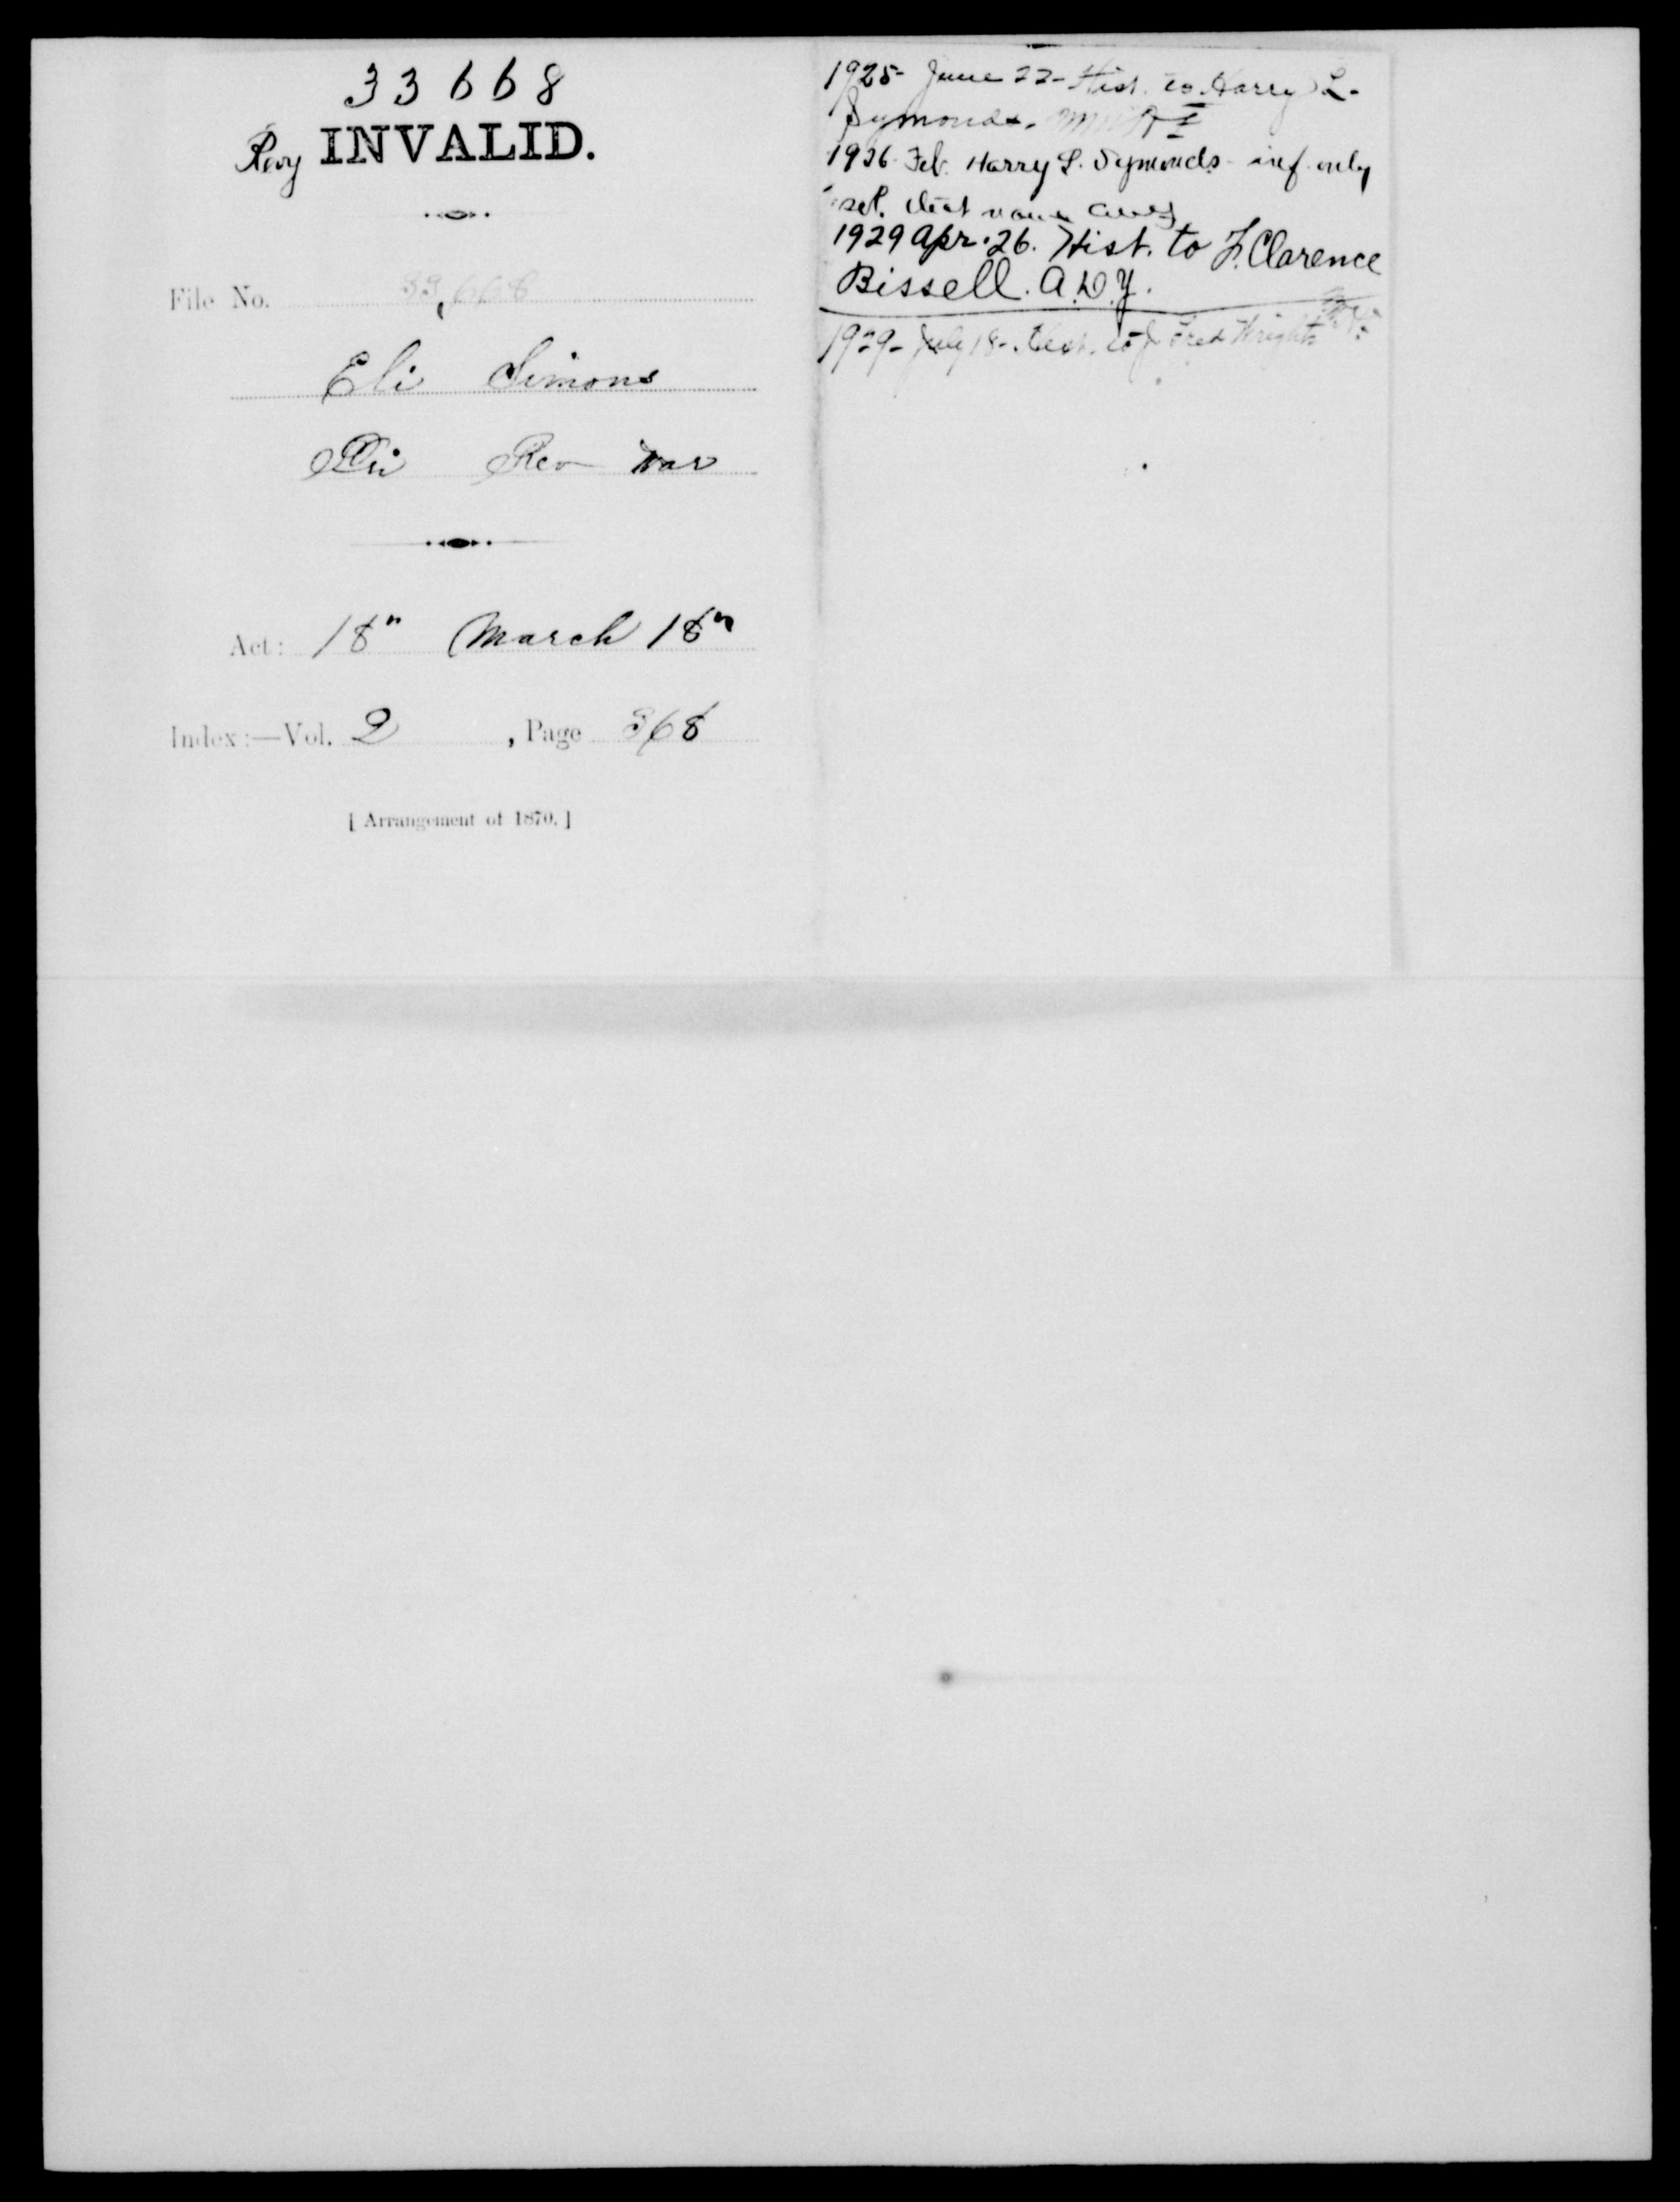[left side of page] 33668
Revy Invalid.

File No. 33,668
Eli Simons
Pri Rev War

Act: 18" March 18"

Index: - Vol. 2, Page 368

[Arrangement of 1870.]

[right side of page]
1925 June 22 - Hist to Harry L. Symonds, [illegible]
1926 - Feb. Harry P. Symonds inf. only 
[illegible]
1929 Apr. 26. Hist. to F. Clarence Bissell. A.D.Y.
1929 - July 18 - Hist. to J. Fred Wright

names: Harry L Symonds; J Fred Wright; Eli Simons; F Clarence Bissell; Harry L Symonds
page: 12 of 20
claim: survivor's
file: S 33668, for Eli Simons, Connecticut